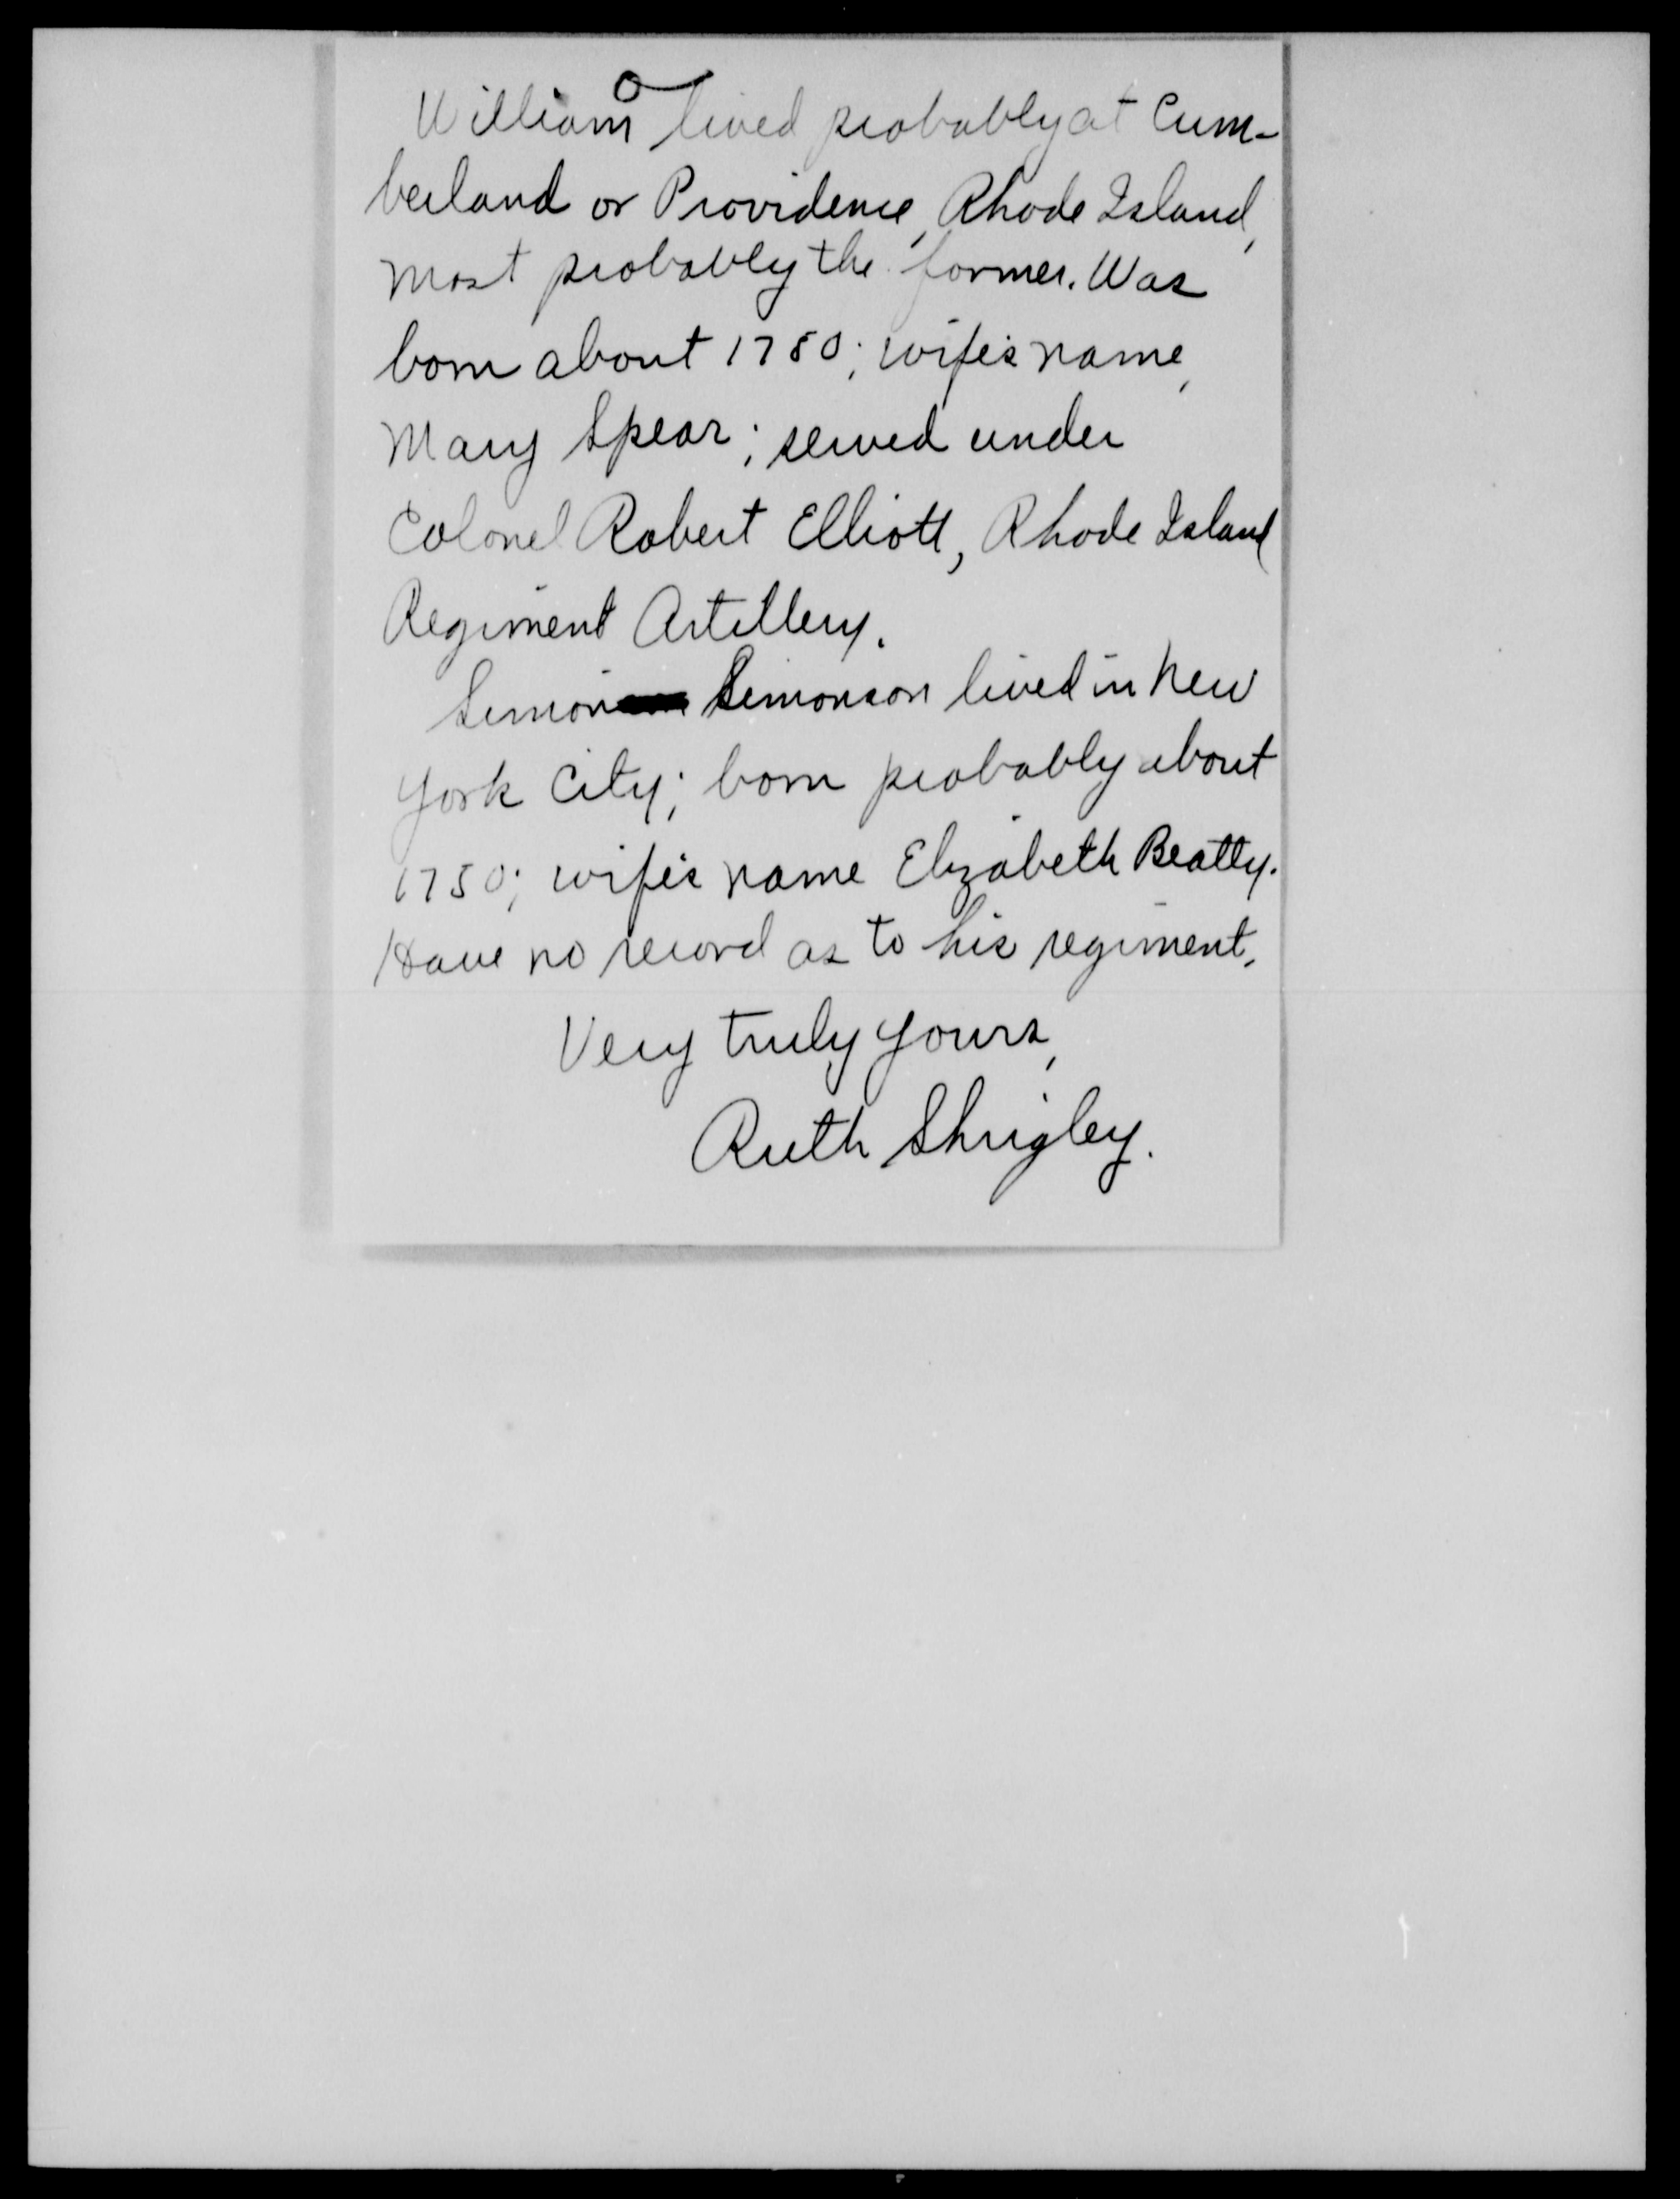William lived probably at Cumberland
or Providence Rhode Island, most probably the former.  Was born about 1780; wife's name,
Mary Spear; served under Colonel Robert Elliott, Rhode Island Regiment Artillery.

Simon Simonson lived in New York City; born probably about 1750; wife's name Elizabeth Beatty.  Have no record as to his regiment.

Very truly yours
Ruth Sriugley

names: William [BLANK]; Robert Elliott; Elizabeth Beatty; Mary Spear; Ruth Shrigley; Simon Simonson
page: 13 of 30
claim: survivor's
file: S. 1104, for Simon Simonson, New Jersey